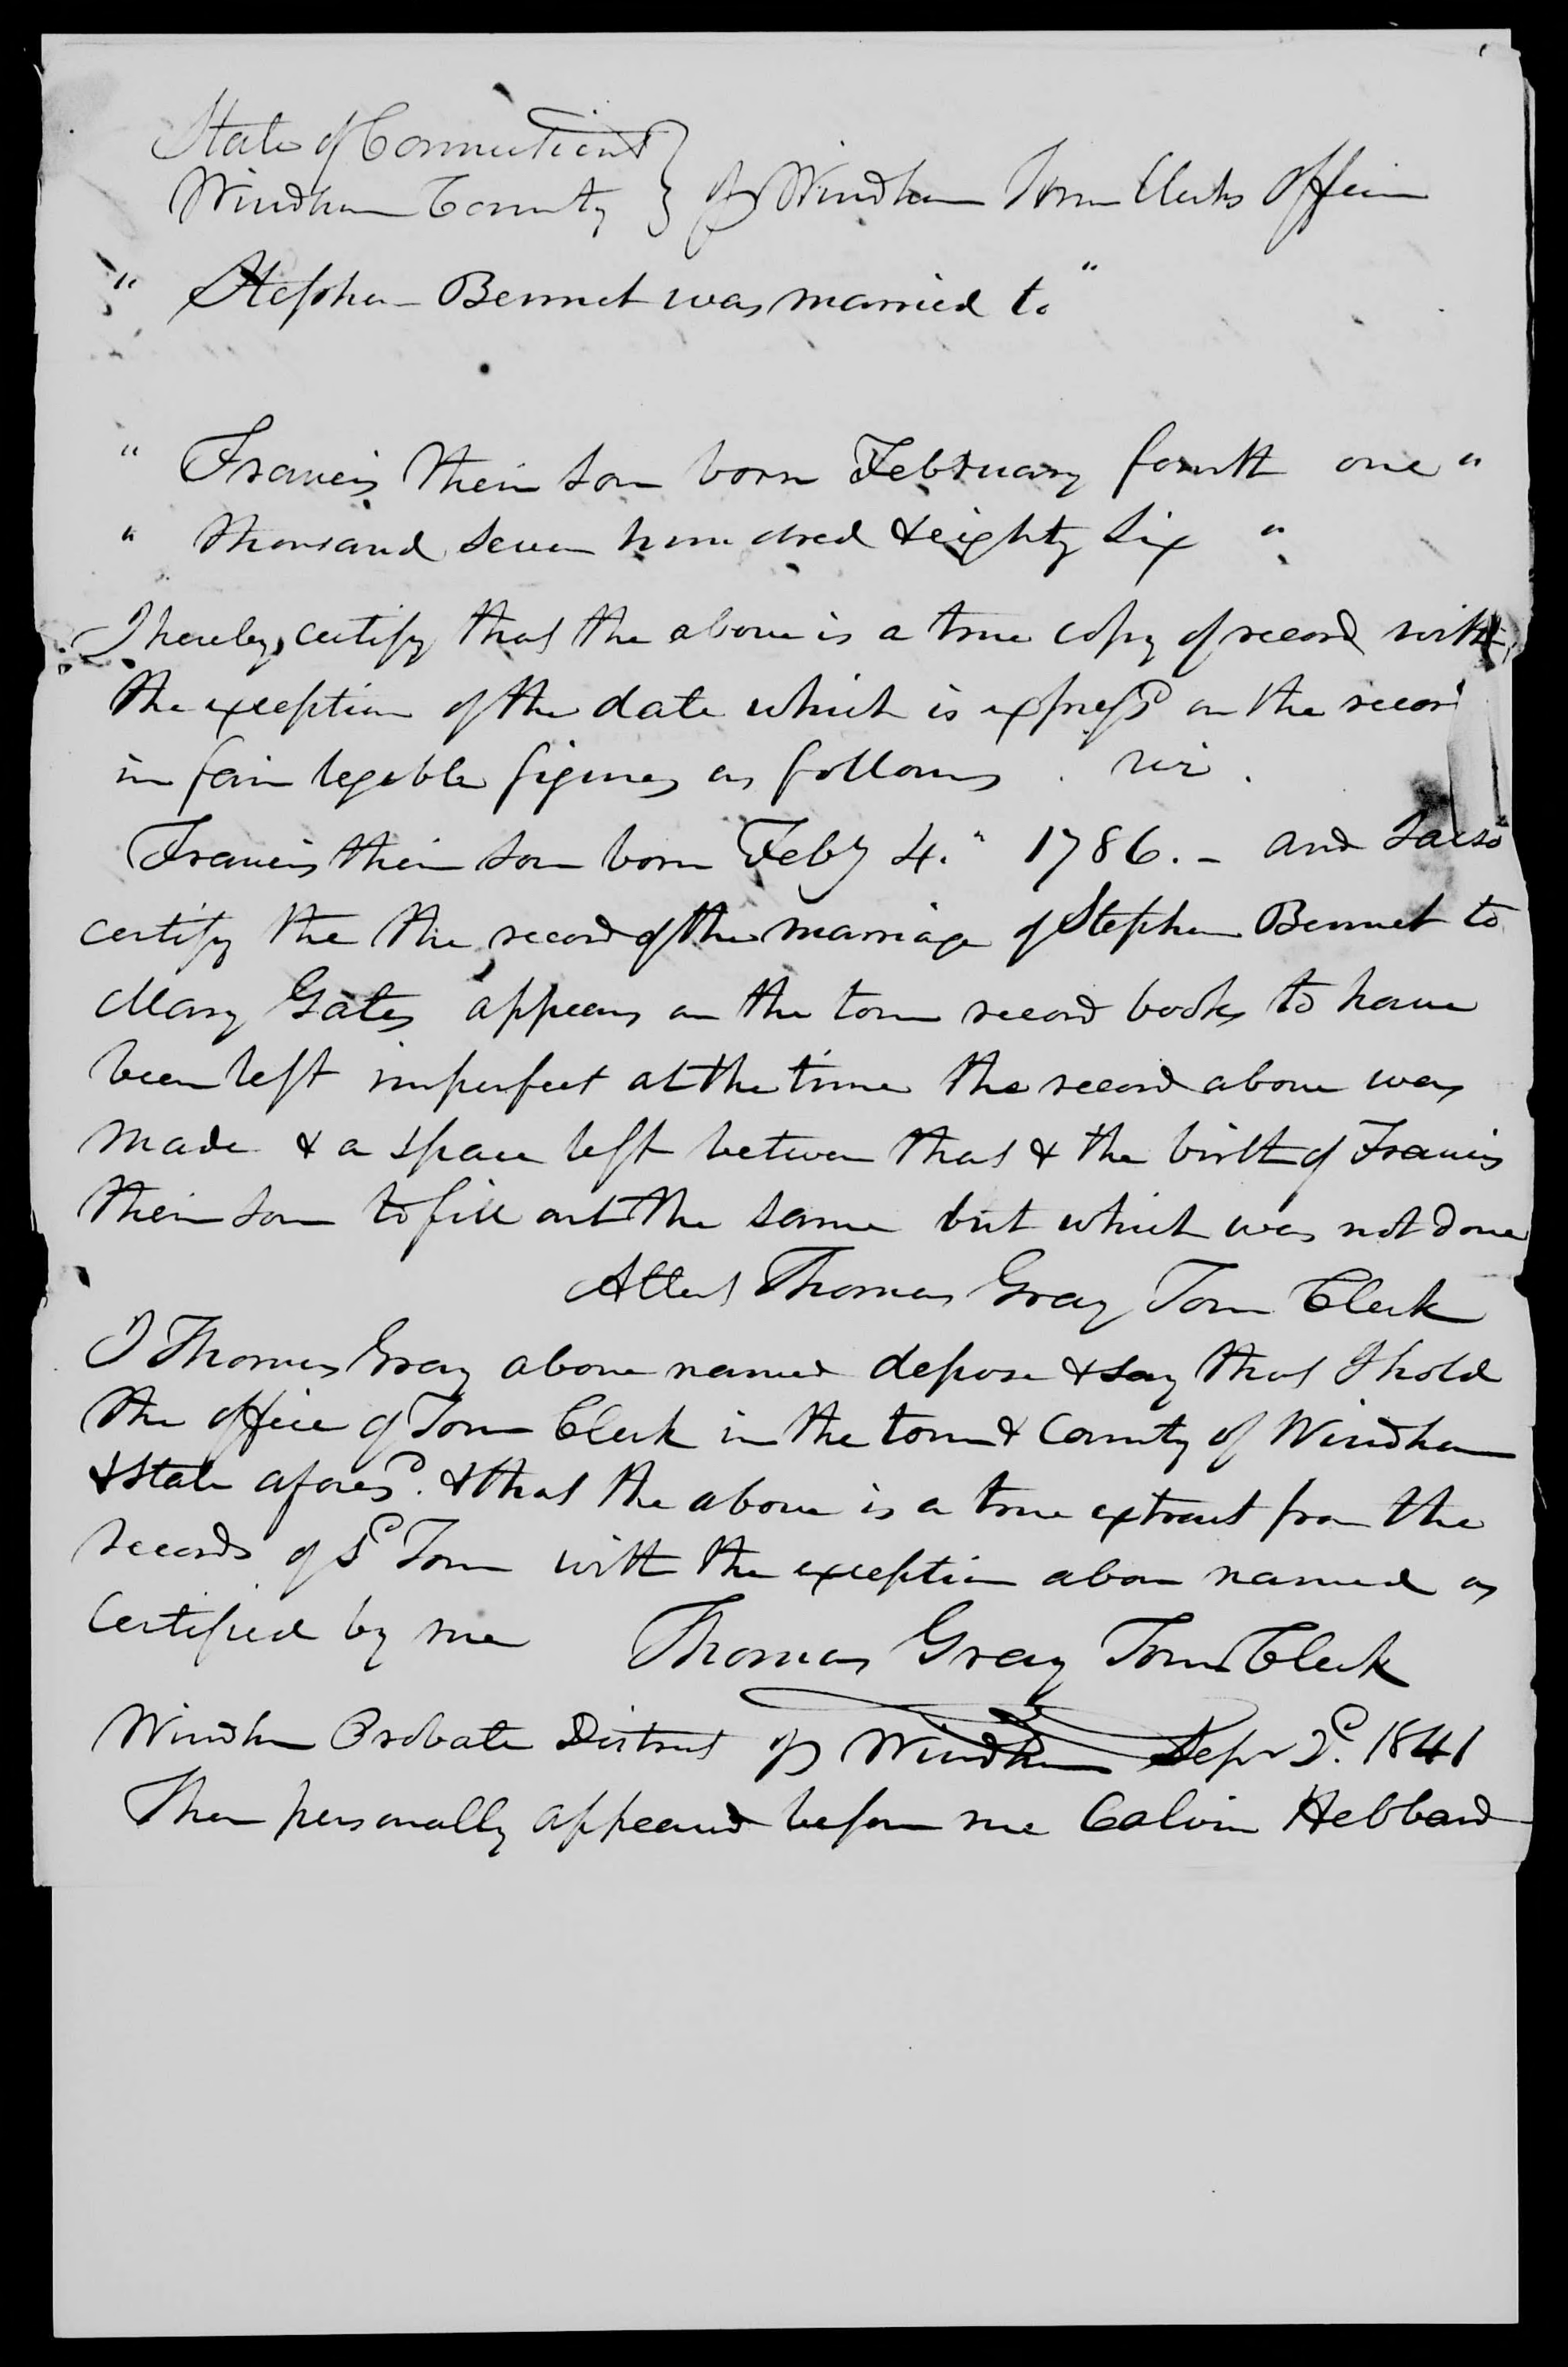State of Connecticut
Windham County ⎬ Ss Windham Town Clerks Office

Stephen Bennet was married to Francis their Son born February fourth one
thousand seven hundred & eighty six

I hereby certify that the above is a true copy of record with the exception of the date which is expressed on the record in fair legible figures as follows Viz
Francis their Son born Feby 4. 1786. and I also certify the the record of the marriage of Stephen Bennet to Mary Gates appears on the town record books to have been left imperfect at the time the record above was made & a space left between that & the birth of Francis their son to fill out the same but which was not done
Attest Thomas Gray Town Clerk

I Thomas Gray above named depose & say that I hold the office of Town Clerk in the town & County of Windham & State aforesd. that the above is a true extract from the record of Town with the exception above named as Certified by me
Thomas Gray Town Clerk
Windham Probate District of Windham Sept 2 1841

Then personally appeared before me Calvin Hubbard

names: Francis, Mary Gates, Francis, Thomas Gray, Thomas Gray, Stephen Bennet, Thomas Gray, Calvin Hebbard, Francis, Stephen Bennet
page: 38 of 79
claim: widow's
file: W. 2,906, Stephen Bennet, Conn.